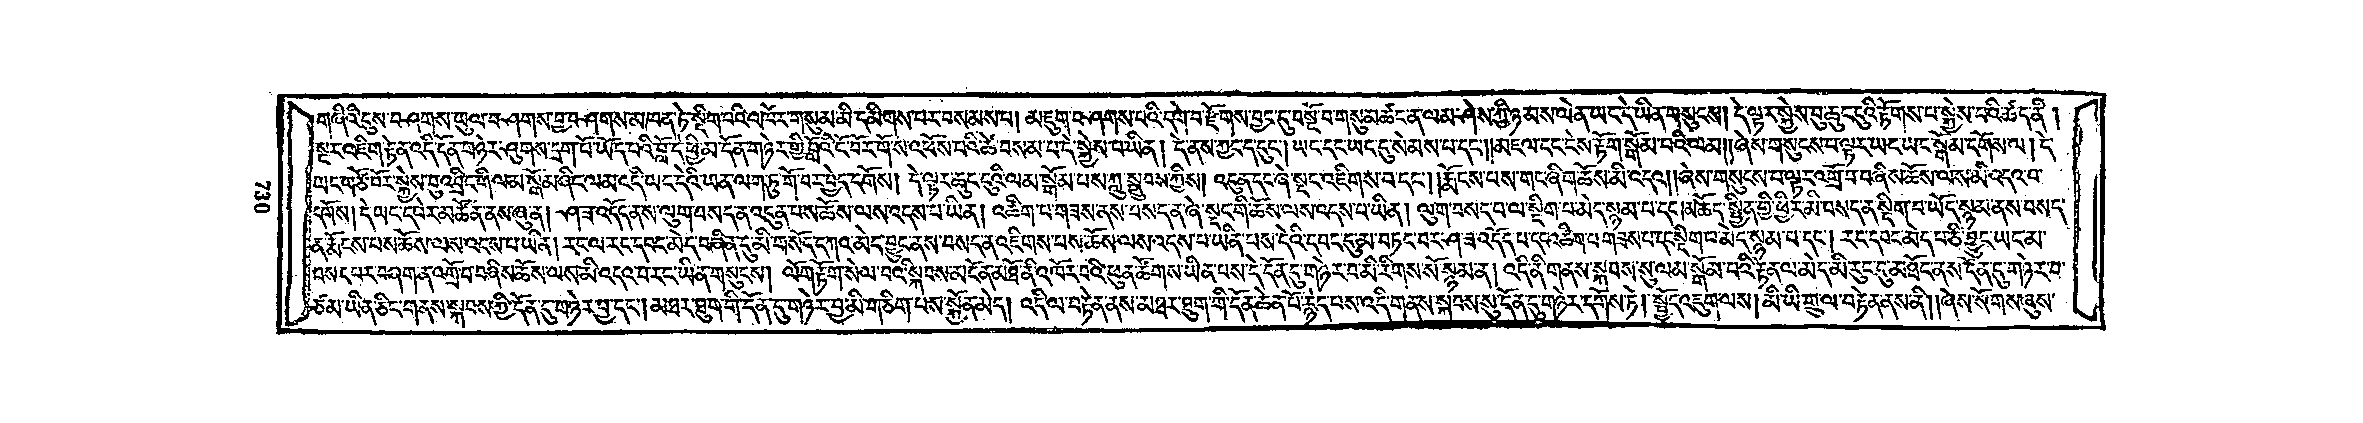གཞིའི་དུས་བཤགས་ཡུལ་བཤགས་བྱ་བཤགས་མཁན་ཏེ་སྡིག་པའི་འཁོར་གསུམ་མི་དམིགས་པར་བསམས་པ། མཇུག་བཤགས་པའི་དགེ་བ་རྫོགས་བྱང་དུ་བསྔོ་བ་གསུམ་ཚང་ན་ལམ་ཤེས་ཀྱི་ཉམས་ལེན་ཡང་དེ་ཡིན་གསུངས། དེ་ལྟར་སྐྱེས་བུ་ཆུང་ངུའི་རྟོགས་པ་སྐྱེས་པའི་ཚད་ནི།
སྔར་འཇིག་རྟེན་འདི་དོན་གཉེར་ཤུགས་དྲག་པོ་ཡོད་པའི་བློ་དེ་ཕྱི་མ་དོན་གཉེར་གྱི་བློའི་ངོ་བོར་གོས་འཕོས་པའི་ཚེ་བསམ་པ་དེ་སྐྱེས་པ་ཡིན། དེ་ནས་ཀྱང་ད་དུང་། ཡང་དང་ཡང་དུ་སེམས་པ་དང་། །མཇལ་དང་ངེས་རྟོག་སྒོམ་པའི་ལམ། །ཞེས་གསུངས་པ་ལྟར་ཡང་ཡང་སྒོམ་དགོས་ལ། དེ་
ཡང་གཙོ་བོར་སྐྱེས་བུ་འབྲིང་གི་ལམ་སྒོམ་ཞིང་ལམ་འདི་ཡང་དེའི་ཡན་ལག་ཏུ་གོ་བར་བྱེད་དགོས། དེ་ལྟར་ཆུང་ངུའི་ལམ་སྒོམ་པས་ཀླུ་སྒྲུབས་ཀྱིས། འདུན་དང་ཞེ་སྡང་འཇིགས་པ་དང་། །རྨོངས་པས་གང་ཞིག་ཆོས་མི་འདའ། །ཞེས་གསུངས་པ་ལྟར་འགྲོ་བ་བཞིས་ཆོས་ལས་མི་འདའ་བ་
དགོས། དེ་ཡང་དཔེར་མཚོན་ནས་ཞུ་ན། ཤ་ཟ་འདོད་ནས་ལུག་བསད་ན་འདུན་པས་ཆོས་ལས་འདས་པ་ཡིན། འཆིག་པ་གཟས་ནས་བསད་ན་ཞེ་སྡང་གི་ཆོས་ལས་འདས་པ་ཡིན། ལུག་བསད་པ་ལ་སྡིག་པ་མེད་སྙམ་པ་དང་། མཆོད་སྦྱིན་གྱི་ཕྱིར་མི་བསད་ན་སྡིག་པ་ཡོད་སྙམ་ནས་བསད་
ན་རྨོངས་པས་ཆོས་ལས་འདས་པ་ཡིན། རང་ལ་རང་དབང་མེད་བཞིན་དུ་མི་གསོད་དཀའ་མེད་བྱུང་ནས་བསད་ན་འཇིགས་པ་ཆོས་ལས་འདས་པ་ཡིན་པས་དེའི་དབང་དུ་མ་བཏང་བར་ཤ་ཟ་འདོད་པ་དང་འཚིག་པ་གཟས་པ་དང་སྡིག་པ་མེད་སྙམ་པ་དང་། རང་དབང་མེད་པ་ཅི་བྱུང་ཡང་མ་
བསང་པར་བཞག་ན་འགྲོ་བ་བཞིས་ཆོས་ལས་མི་འདའ་བ་རང་ཡིན་གསུངས། ལོག་རྟོག་སེལ་བའི་སྐབས་མངོན་མཐོ་ནི་འཁོར་བའི་ཕུན་ཚོགས་ཡིན་པས་དེ་དོན་དུ་གཉེར་བ་མི་རིགས་སོ་སྙམ་ན། འདི་ནི་གནས་སྐབས་སུ་ལམ་སྒོམ་པའི་རྟེན་ལ་མེད་མི་རུང་དུ་མཐོང་ནས་དོན་དུ་གཉེར་བ་
ཙམ་ཡིན་ཅིང་གནས་སྐབས་ཀྱི་དོན་དུ་གཉེར་བྱ་དང་། མཐར་ཐུག་གི་དོན་དུ་གཉེར་བྱ་མི་གཅིག་པས་སྐྱོན་མེད། འདི་ལ་བརྟེན་ནས་མཐར་ཐུག་གི་དོན་ཆེན་པོ་རྙེད་པས་འདི་གནས་སྐབས་སུ་དོན་དུ་གཉེར་དགོས་ཏེ། སྤྱོད་འཇུག་ལས། མི་ཡི་གྲུ་ལ་བརྟེན་ནས་ནི། ཞེས་སོགས་ཞུས་